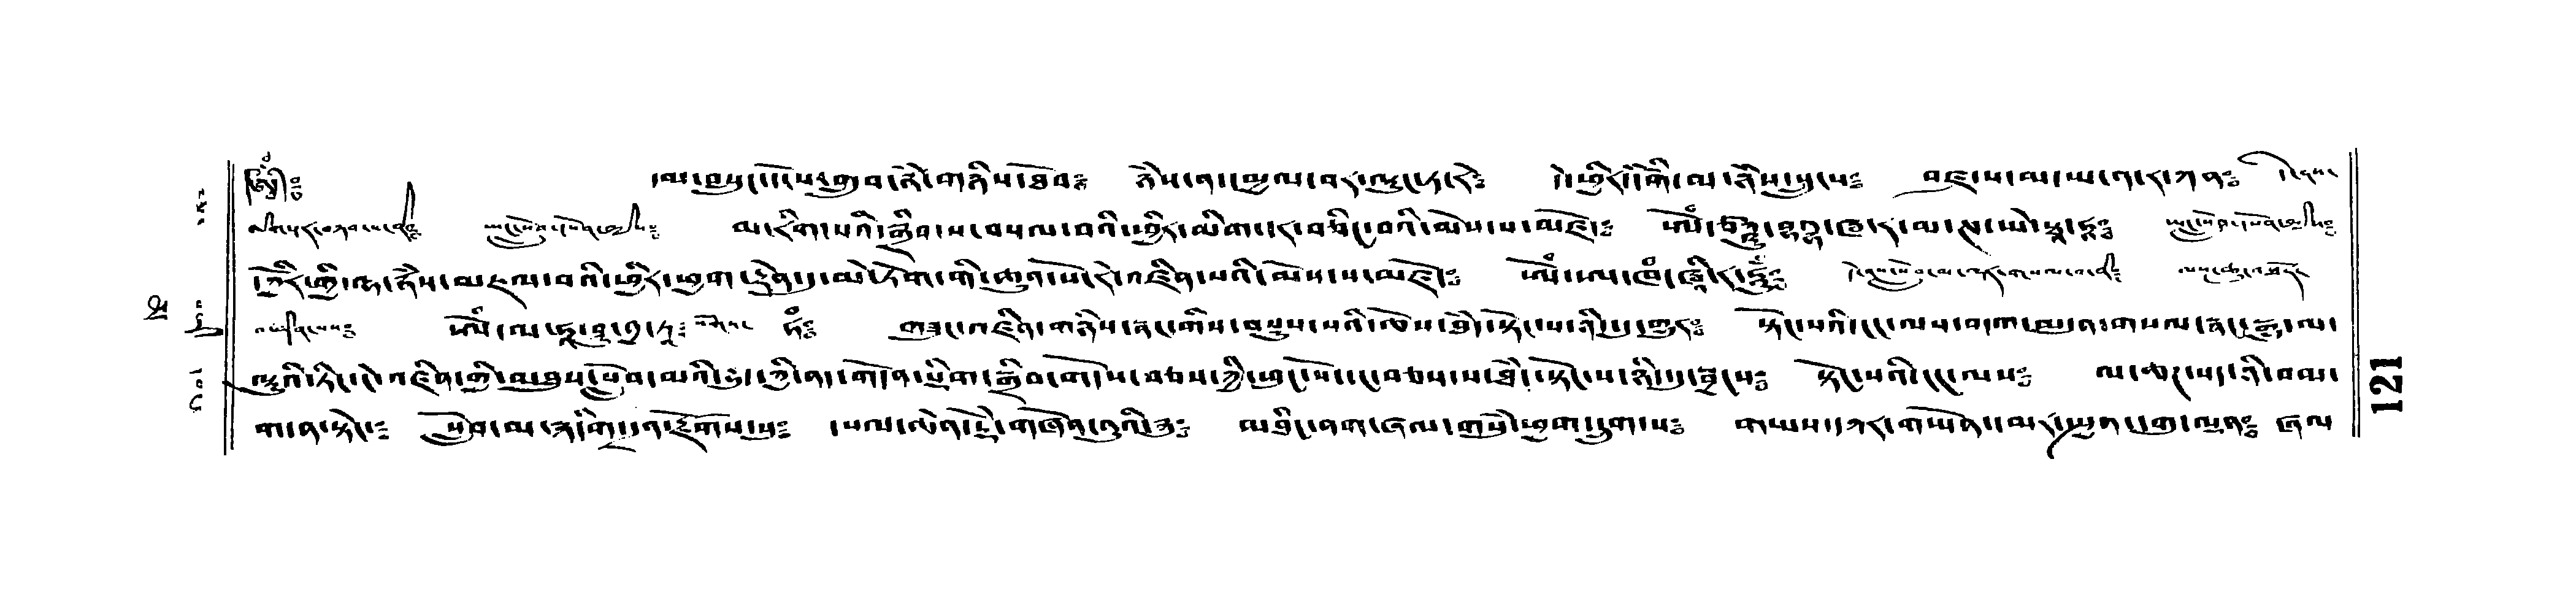དམ་བསྲུང་དངོས་གྲུབ་རྣམ་གཉིས་ཐོབ༔ ཉམས་ན་དམྱལ་བར་ལྟུང་ཏ་རེ༔ དེ་ཕྱིར་དམ་ཚིག་མ་ཉམས་སྲུངས༔ བཛྲ་ས་མ་ཡ་ན་ར་ཀན༔ དེ་ནས་
མིག་དར་བཀབ་པ་ནི༔ ཡང་སློབ་དཔོན་གྱིས༔ མ་རིག་པའི་སྒྲིབ་པ་བསལ་བའི་ཕྱིར་མིག་དར་བཅིངས་བའི་མོས་པ་མཛོད༔ ཨོཾ་ཙཀྵུ་བྷནྡྷ་ཝ་ར་མ་ཎ་ཡེ་སྭཱ་ཧཱཿ ཡང་སློབ་དཔོན་གྱིས༔ 
དཀྱིལ་འཁོར་གྱི་ལྷ་རྣམས་མཇལ་བའི་ཕྱིར་ཕྱག་རྟེན་དུ་མེ་ཏོག་གི་ཆུན་པོ་རེ་འཛིན་པའི་མོས་པ་མཛོད༔ ཨོཾ་ཨ་ཁཾ་ཝཱི་ར་ཧཱུྃ༔ དེ་ནས་སློབ་མ་ལྷར་གསལ་བ་ནི༔ ལས་ཆུ་འཐོར་
བཞིན་པས༔ ཨོཾ་མ་ཧཱ་ཤུ་ནྱ་ཏཱ་སོགས༔ ཧཾཿ གཟུང་འཛིན་གཉིས་སྣང་གིས་བསྡུས་པའི་ཆོས་ཐམས་ཅད་སྟོང་པ་ཉིད་དུ་གྱུར༔ སྟོང་པའི་ངང་ལས་བདག་མདུན་གསལ་སྣང་སྒྱུ་མ་
ལྟ་བུའི་ཏིང་ངེ་འཛིན་གྱི་མཐུས་སློབ་མའི་རྒྱུད་ཀྱི་ནད་གདོན་སྡིག་སྒྲིབ་གདོས་བཅས་ཀྱི་ཕུང་པོ་དང་བཅས་པ་ཐམས་ཅད་སྟོང་པ་ཉིད་དུ་སྦྱངས༔ སྟོང་པའི་ངང་ལས༔ མ་ཆགས་པད་ཉི་བམ་
གདན་སྟེང༔ སློབ་མ་སྐད་ཅིག་དྲན་རྫོགས་སུ༔ དཔལ་ཆེན་རྡོ་རྗེ་གཞོན་ནུའི་སྐུ༔ མཐིང་ནག་ཞལ་གསུམ་ཕྱག་དྲུག་པ༔ གཡས་དཀར་གཡོན་དམར་སྤྱན་དགུ་ལྡན༔ ཞལ་